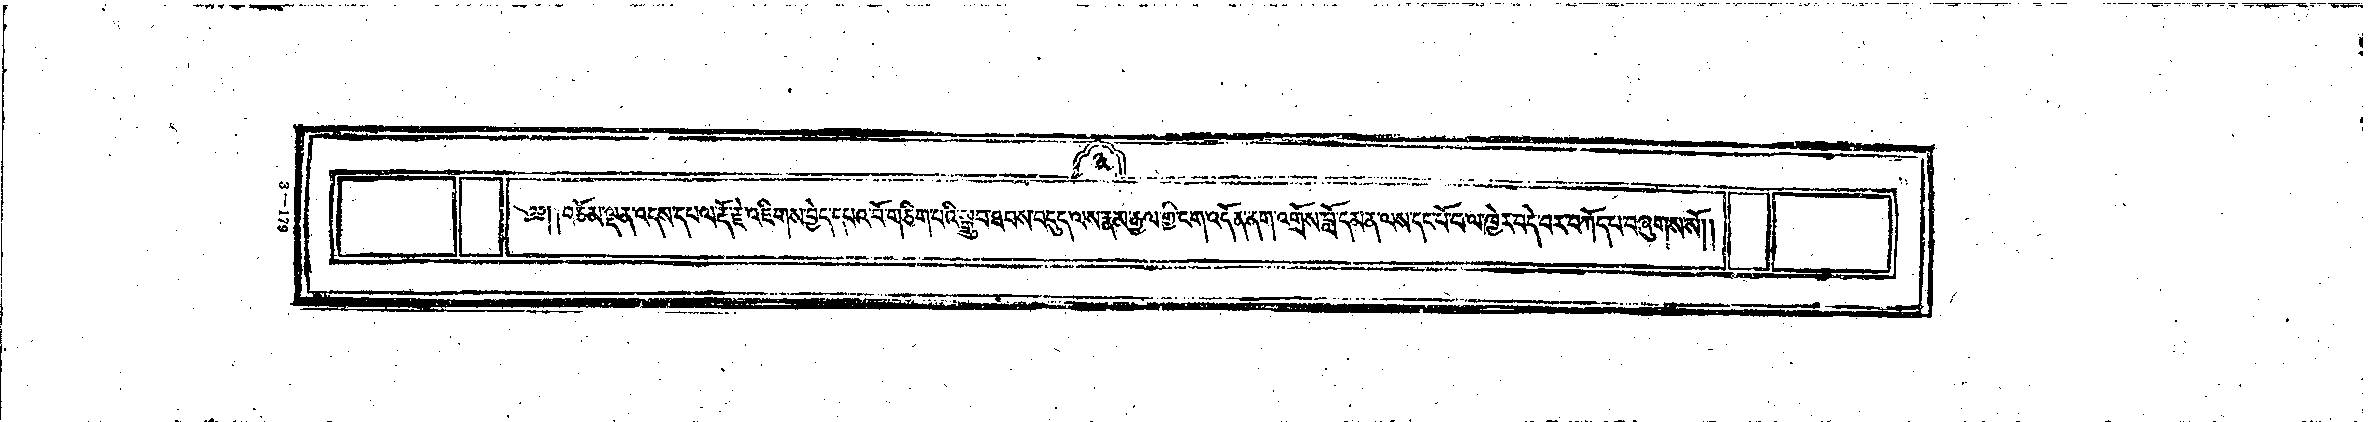༄༅། །བཅོམ་ལྡན་འདས་དཔལ་རྡོ་རྗེ་འཇིགས་བྱེད་དཔའ་བོ་གཅིག་པའི་སྒྲུབ་ཐབས་བདུད་ལས་རྣམ་རྒྱལ་གྱི་ངག་འདོན་ནག་འགྲོས་བློ་དམན་ལས་དང་པོ་བ་ལ་ཁྱེར་བདེ་བར་བཀོད་པ་བཞུགས་སོ།།